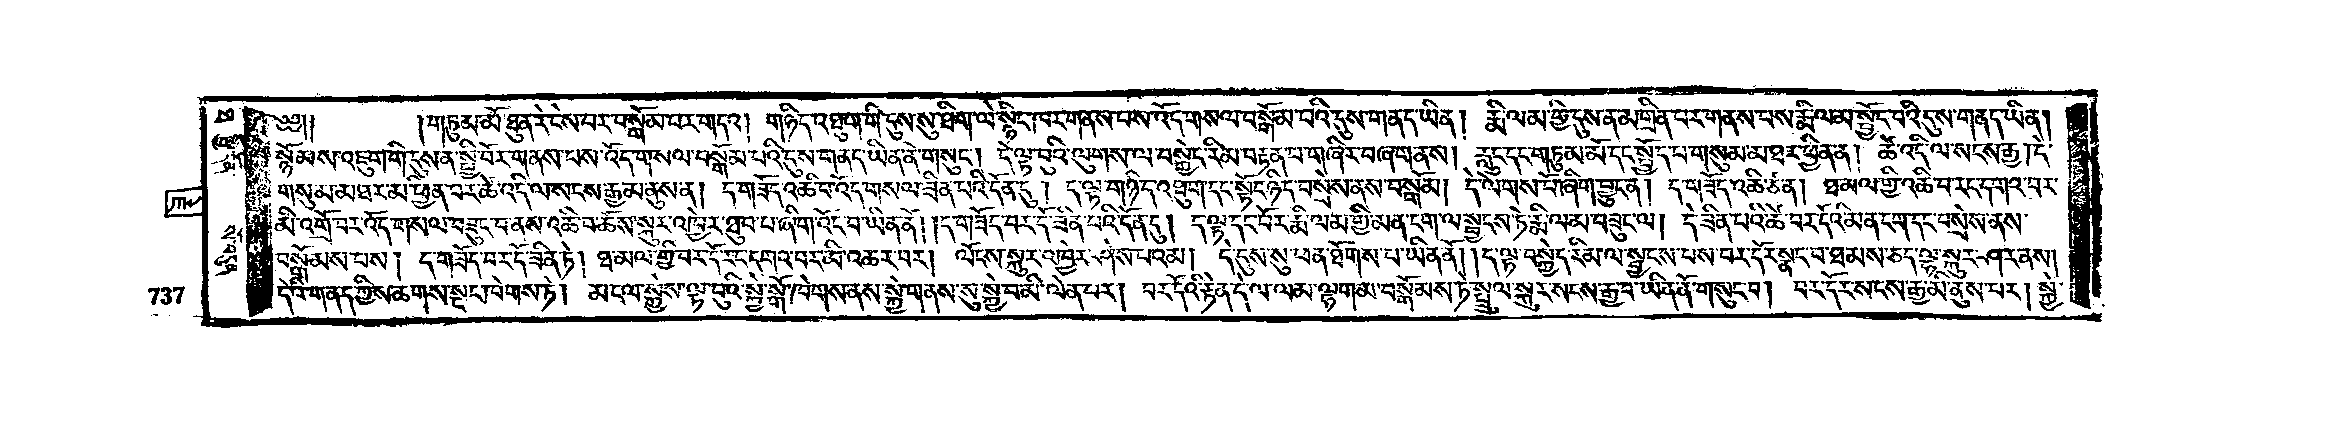༄༅། །གཏུམ་མོ་ཐུན་རེ་ངེས་པར་བསྒོམ་པར་གདའ། གཉིད་འཐུག་གི་དུས་སུ་ཐིག་ལེ་སྙིང་ཁར་གནས་པས་འོད་གསལ་བསྒོམ་པའི་དུས་གནད་ཡིན། རྨི་ལམ་གྱི་དུས་ན་མགྲིན་པར་གནས་པས་རྨི་ལམ་སྦྱོང་བའི་དུས་གནད་ཡིན།
སྙོམས་འཇུག་གི་དུས་ན་སྤྱི་བོར་གནས་པས་འོད་གསལ་བསྒོམ་པའི་དུས་གནད་ཡིན་ནོ་གསུང་། དེ་ལྟ་བུའི་ལུགས་ལ་བསྐྱེད་རིམ་བརྟན་པ་གཞིར་བཞག་ནས། རླུང་དང་གཏུམ་མོ་དང་སྤྱོད་པ་གསུམ་མཐར་ཕྱིན་ན། ཚེ་འདི་ལ་སངས་རྒྱ། དེ་
གསུམ་མཐར་མ་ཕྱིན་པར་ཚེ་འདི་ལ་སངས་རྒྱ་མ་ནུས་ན། ད་གཟོད་འཆི་བ་འོད་གསལ་ཟིན་པའི་དོན་དུ། ད་ལྟ་གཉིད་འཐུག་དང་སྟོང་ཉིད་བསྲེས་ནས་བསྒོམ། དེ་ལེགས་པོ་ཞིག་བྱུང་ན། ད་གཟོད་འཆི་ཙ་ན། ཐ་མལ་གྱི་འཆི་བ་རང་དགའ་བར་
མི་འགྲོ་བར་འོད་གསལ་བཟུང་བ་ནས་འཆི་བ་ཆོས་སྐུར་འཁྱེར་ཐུབ་པ་ཞིག་འོང་བ་ཡིན་ནོ། །ད་གཟོད་བར་དོ་ཟིན་པའི་དོན་དུ། ད་ལྟ་དང་པོར་རྨི་ལམ་གྱི་མན་ངག་ལ་སྦྱངས་ཏེ་རྨི་ལམ་བཟུང་ལ། དེ་ཟིན་པའི་ཚེ་བར་དོའི་མན་ངག་དང་བསྲོས་ནས་
བསྒོམས་པས། ད་གཟོད་བར་དོ་ཟིན་ཏེ། ཐ་མལ་གྱི་བར་དོ་རང་དགའ་བར་མི་འཆར་བར། ལོངས་སྐུར་འཁྱེར་ཤེས་པའམ། དེ་དུས་སུ་ཕན་ཐོགས་པ་ཡིན་ནོ། །ད་ལྟ་བསྐྱེད་རིམ་ལ་སྦྱངས་པས་བར་དོར་སྣང་བ་ཐམས་ཅད་ལྷ་སྐུར་ཤར་ནས།
དེའི་གནད་ཀྱིས་ཆགས་སྡང་ཁེགས་ཏེ། མངལ་སྐྱེས་ལྟ་བུའི་སྐྱེ་སྒོ་ཁེགས་ནས་སྐྱེ་གནས་སུ་སྐྱེ་བ་མི་ལེན་པར། བར་དོའི་རྟེན་དེ་ལ་ལམ་ལྷག་མ་བསྒོམས་ཏེ་སྤྲུལ་སྐུར་སངས་རྒྱ་བ་ཡིན་ནོ་གསུང་བ། བར་དོར་སངས་རྒྱ་མི་ནུས་པར། སྐྱེ་